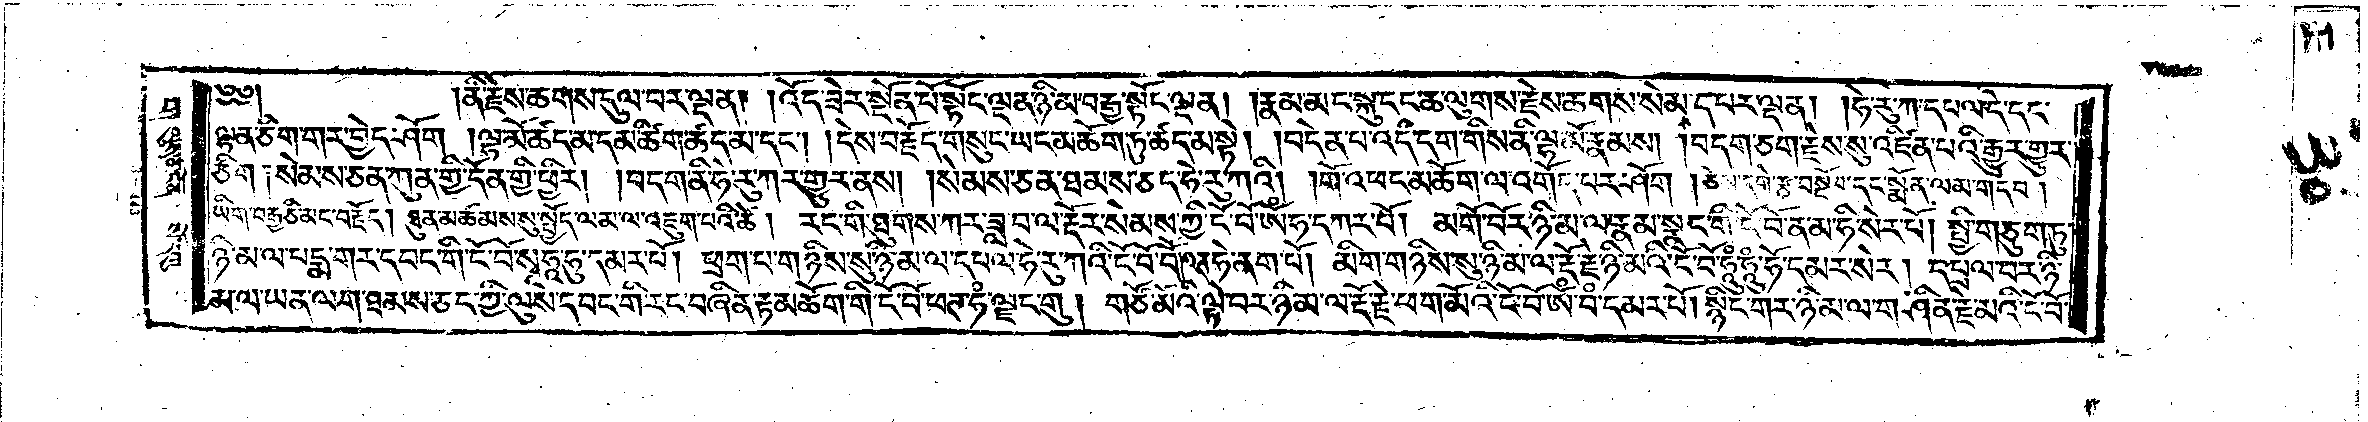༄༅། །ནི་རྗེས་ཆགས་དུལ་བར་ལྡན། །འོད་ཟེར་སྔོན་པོ་སྟོང་ལྡན་ཉི་མ་བརྒྱ་སྟོང་ལྡན། །རྣམ་མང་སྐུ་དང་ཆ་ལུགས་རྗེས་ཆགས་སེམས་དཔར་ལྡན། །ཧེ་རུ་ཀ་དཔལ་དེ་དང་
ལྷན་ཅིག་གར་བྱེད་ཤོག །ལྷ་མོ་ཚད་མ་དམ་ཚིག་ཚད་མ་དང་། །དེས་བརྗོད་གསུང་ཡང་མཆོག་ཏུ་ཚད་མ་སྟེ། །བདེན་པ་འདི་དག་གིས་ནི་ལྷ་མོ་རྣམས། །བདག་ཅག་རྗེས་སུ་འཛིན་པའི་རྒྱུར་གྱུར་
ཅིག །སེམས་ཅན་ཀུན་གྱི་དོན་གྱི་ཕྱིར། །བདག་ནི་ཧེ་རུ་ཀར་གྱུར་ནས། །སེམས་ཅན་ཐམས་ཅད་ཧེ་རུ་ཀའི། །གོ་འཕང་མཆོག་ལ་འགོད་པར་ཤོག །ཅེས་དགེ་རྩ་བསྔོབ་དང་སྨོན་ལམ་གདབ།
ཡིག་བརྒྱ་ཅི་མང་བརྗོད། ཐུན་མཚམས་སུ་སྤྱོད་ལམ་ལ་འཇུག་པའི་ཚེ། རང་གི་ཐུགས་ཀར་ཟླ་བ་ལ་རྡོར་སེམས་ཀྱི་ངོ་བོ་ཨོཾ་ཧ་དཀར་པོ། མགོ་བོར་ཉི་མ་ལ་རྣམ་སྣང་གི་ངོ་བོ་ན་མ་ཧི་སེར་ལོ། སྤྱི་གཅུག་ཏུ་
ཉི་མ་ལ་པདམ་གར་དབང་གི་ངོ་བོ་སྭཱཧཱ་ཧུ་དམར་པོ། ཕྲག་པ་གཉིས་སུ་ཉི་མ་ལ་དཔལ་ཧེ་རུ་ཀའི་ངོ་བོ་བཽ་ཥཊ་ཧེ་ནག་པོ། མིག་གཉིས་སུ་ཉི་མ་ལ་རྡོ་རྗེ་ཉི་མའི་ངོ་བོ་ཧཱུཾ་ཧཱུཾ་ཧོ་དམར་སེར། དཔྲལ་པར་ཉི་
མ་ལ་ཡན་ལག་ཐམས་ཅད་ཀྱི་ལུས་དབང་གི་རང་བཞིན་རྟ་མཆོག་གི་ངོ་བོ་ཕཊ་ཧཾ་ལྗང་གུ། གཙོ་མོའི་ལྟེ་བར་ཉི་མ་ལ་རྡོ་རྗེ་ཕག་མོའི་ངོ་བོ་ཨོཾ་བཾ་དམར་པོ། སྙིང་གར་ཉི་མ་ལ་གཤིན་རྗེ་མའི་ངོ་བོ་